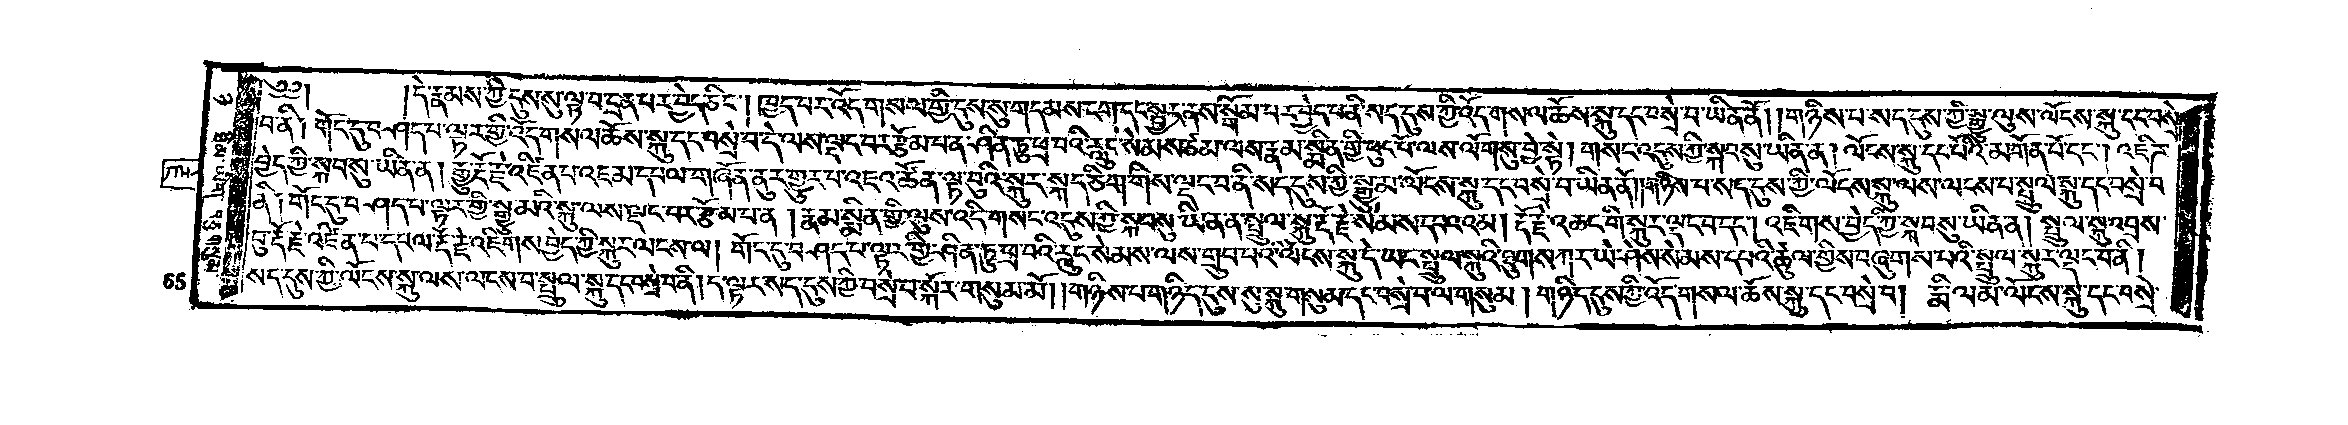༄༅། །དེ་རྣམས་ཀྱི་དུས་སུ་ལྟ་བ་དྲན་པར་བྱེད་ཅིང་། ཁྱད་པར་འོད་གསལ་གྱི་དུས་སུ་གདམས་ངག་དང་སྦྱར་ནས་སྒོམ་པར་བྱེད་པ་ནི་སད་དུས་ཀྱི་འོད་གསལ་ཆོས་སྐུ་དང་བསྲེ་བ་ཡིན་ནོ། །གཉིས་པ་སད་དུས་ཀྱི་སྒྱུ་ལུས་ལོངས་སྐུ་དང་བསྲེ་
བ་ནི། གོང་དུ་བཤད་པ་ལྟར་གྱི་འོད་གསལ་ཆོས་སྐུ་དང་བསྲེ་བ་དེ་ལས་ལྡང་བར་རྩོམ་པ་ན་ཤིན་ཏུ་ཕྲ་བའི་རླུང་སེམས་ཙམ་ལས་རྣམ་སྨིན་གྱི་ཕུང་པོ་ལས་ལོགས་སུ་བྱེ་སྟེ། གསང་འདུས་ཀྱི་སྐབས་སུ་ཡིན་ན། ལོངས་སྐུ་དང་པོའི་མགོན་པོ་དང་། འཇིགས་
བྱེད་ཀྱི་སྐབས་སུ་ཡིན་ན། རྒྱུ་རྡོ་རྗེ་འཛིན་པ་འཇམ་དཔལ་གཞོན་ནུར་གྱུར་པ་འཇའ་ཚོན་ལྟ་བུའི་སྐུར་སྐད་ཅིག་གིས་ལྡང་བ་ནི་སད་དུས་ཀྱི་སྒྱུ་མ་ལོངས་སྐུ་དང་བསྲེ་བ་ཡིན་ནོ། །གཉིས་པ་སད་དུས་ཀྱི་ལོངས་སྐུ་ལས་ལངས་པ་སྤྲུལ་སྐུ་དང་བསྲེ་བ་
ནི། གོང་དུ་བཤད་པ་ལྟར་གྱི་སྒྱུ་མའི་སྐུ་ལས་ལྡང་བར་རྩོམ་པ་ན། རྣམ་སྨིན་གྱི་ལུས་འདི་གསང་འདུས་ཀྱི་སྐབས་སུ་ཡིན་ན་སྤྲུལ་སྐུ་རྡོ་རྗེ་སེམས་དཔའ་འམ། རྡོ་རྗེ་འཆང་གི་སྐུར་ལྡང་བ་དང་། འཇིགས་བྱེད་ཀྱི་སྐབས་སུ་ཡིན་ན། སྤྲུལ་སྐུ་འབྲས་
བུ་རྡོ་རྗེ་འཛིན་པ་དཔལ་རྡོ་རྗེ་འཇིགས་བྱེད་ཀྱི་སྐུར་ལངས་ལ། གོང་དུ་བཤད་པ་ལྟར་གྱི་ཤིན་ཏུ་ཕྲ་བའི་རླུང་སེམས་ལས་གྲུབ་པའི་ལོངས་སྐུ་དེ་ཡང་སྤྲུལ་སྐུའི་ཐུགས་ཀར་ཡེ་ཤེས་སེམས་དཔའི་ཚུལ་གྱིས་བཞུགས་པའི་སྤྲུལ་སྐུར་ལྡང་བ་ནི།
སད་དུས་ཀྱི་ལོངས་སྐུ་ལས་ལངས་བ་སྤྲུལ་སྐུ་དང་བསྲེ་བ་ནི། ད་ལྟར་སད་དུས་ཀྱི་བསྲེ་བ་སྐོར་གསུམ་མོ། །གཉིས་པ་གཉིད་དུས་སུ་སྐུ་གསུམ་དང་བསྲེ་བ་ལ་གསུམ། གཉིད་དུས་ཀྱི་འོད་གསལ་ཆོས་སྐུ་དང་བསྲེ་བ། རྨི་ལམ་ལོངས་སྐུ་དང་བསྲེ་